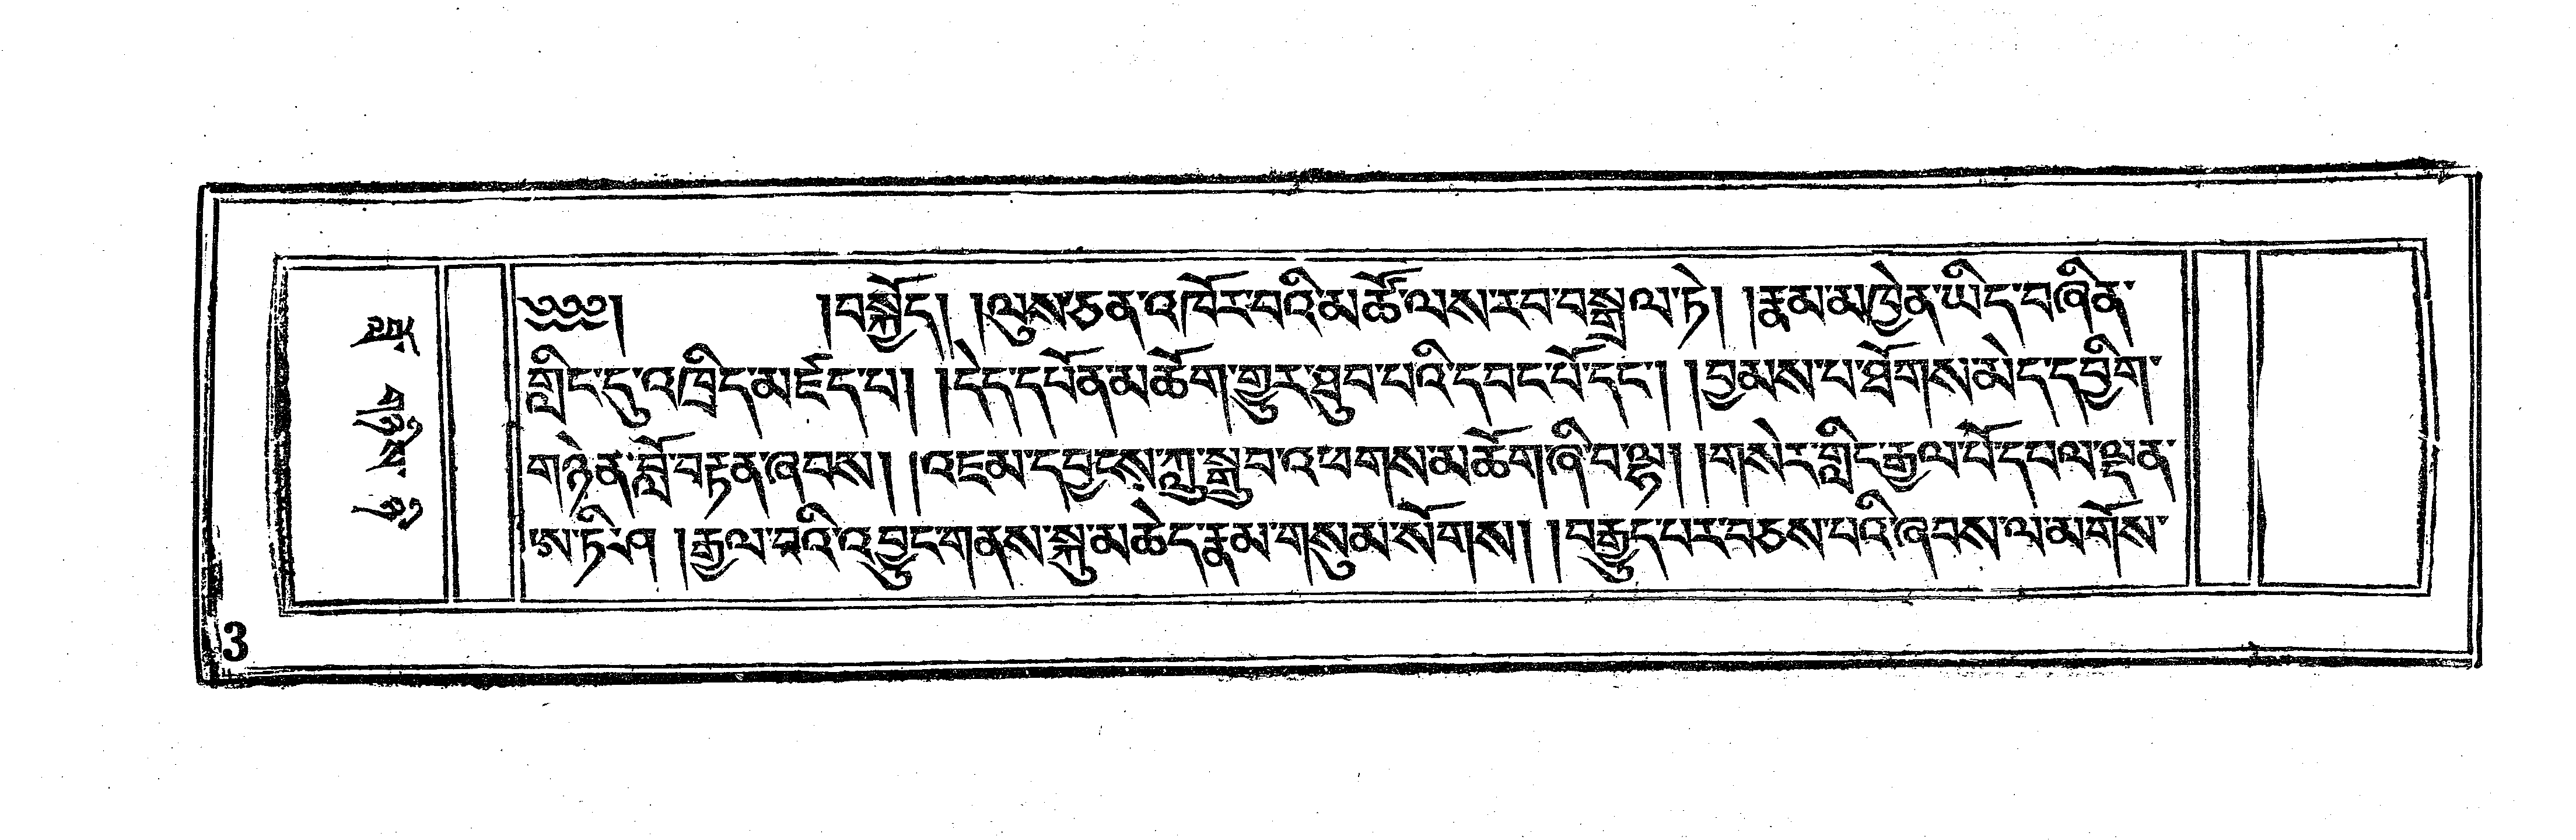༄༅༅། །བསྐྱོད། །ལུས་ཅན་འཁོར་བའི་མཚོ་ལས་རབ་བསྒྲལ་ཏེ། །རྣམ་མཁྱེན་ཡིད་བཞིན་
གླིང་དུ་འཁྲིད་མཛད་པ། །དེད་དཔོན་མཆོག་གྱུར་ཐུབ་པའི་དབང་པོ་དང་། །བྱམས་པ་ཐོགས་མེད་དབྱིག་
གཉེན་བློ་བརྟན་ཞབས། །འཇམ་དབྱངས་ཀླུ་སྒྲུབ་འཕགས་མཆོག་ཞི་བ་ལྷ། །གསེར་གླིང་རྒྱལ་པོ་དཔལ་ལྡན་
ཨ་ཏི་ཤ་།རྒྱལ་བའི་འབྱུང་གནས་སྐུ་མཆེད་རྣམ་གསུམ་སོགས། །བརྒྱུད་པར་བཅས་པའི་ཞབས་ལ་མགོས་